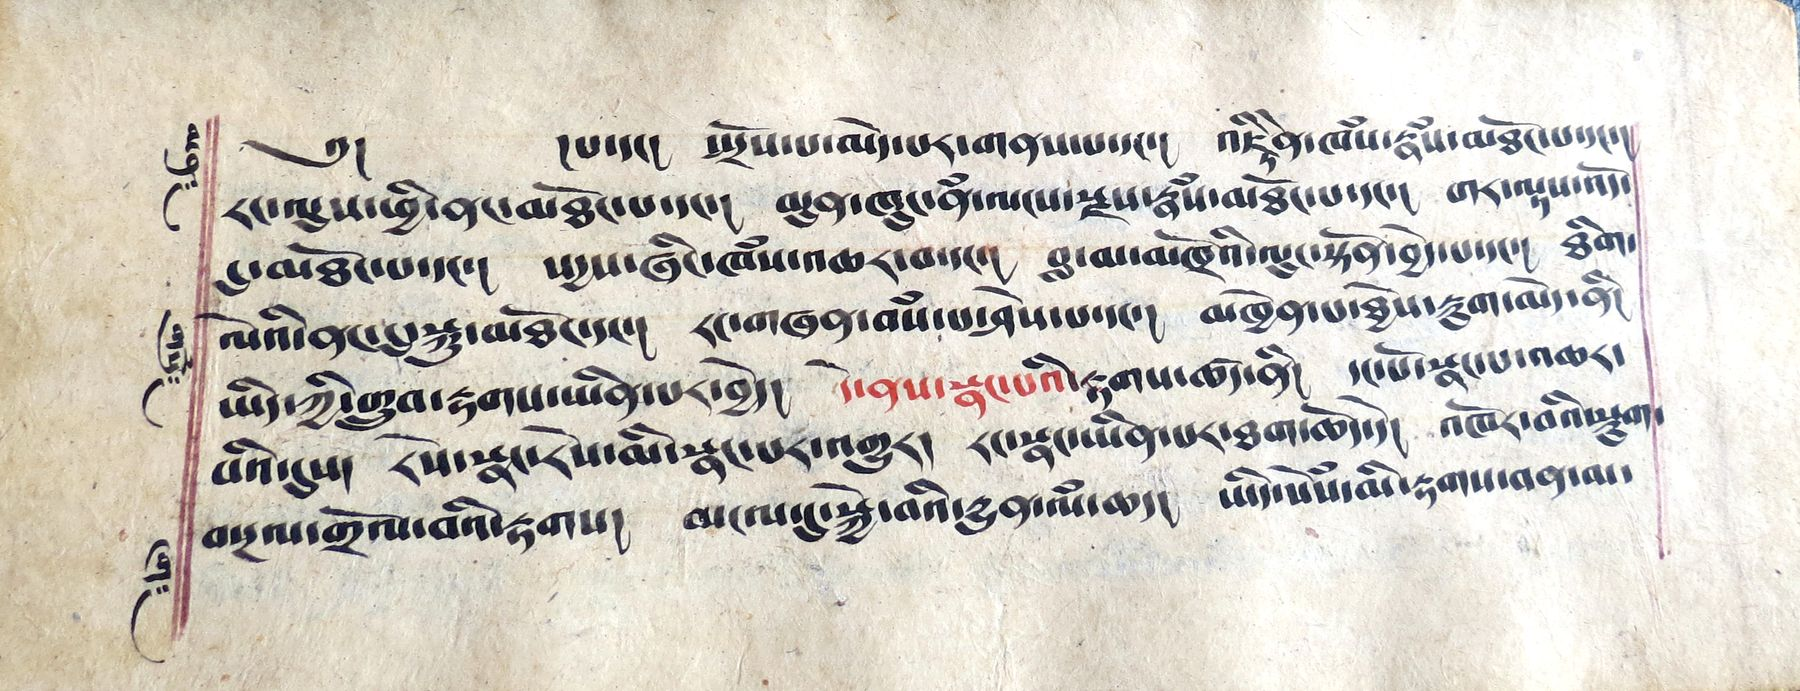པ་དང་། ། སྤྲོས་པ་མེད་པར་གནས་པ་དང་། ། འཇིག་རྟེན་ཁམས་རྣམས་མཐོང་བ་དང་། ། 
རང་ལུས་ཕྱི་ནང་མཐོང་བ་དང་། ། མུན་ཁུང་ནམ་ལངས་རྫས་རྣམས་མཐོང་བ་དང་། ། གར་བལྟས་འོད་
དུ་མཐོང་བ་དང་། ། སངས་རྒྱས་ཞིང་ཁམས་འཆར་བ་དང་། ། བླ་མ་མཁའ་འགྲོས་ལུང་བསྟན་བྱེད་པ་དང་། ། ཐིག་
ལེའི་ནང་དུ་སྐུ་མཐོང་བ་དང་། ། རང་གཞན་བསམ་པ་ཤེས་པ་དང་། ། མཁྱེན་པ་ཐོགས་རྡུགས་མེད་པ་ནི། ། 
ཡིད་ཀྱི་གྲུབ་རྟགས་ཡིན་པར་བཤད། ། དེ་ནས་སྣང་བའི་རྟགས་ཚད་ནི། ། དང་པོ་སྣང་བ་འཆར་
བའི་དུས། ། རེས་སྣང་རེས་མི་སྣང་བར་འགྱུར། ། རང་སྣང་ཡིན་པར་ཐག་བཅད་དེ། ། འཁོར་བའི་སྡུག་
བསྔལ་གྲོལ་བའི་རྟགས། ། མངལ་དུ་སྐྱེ་བའི་རྒྱུན་ལམ་ཆད། ། ཡིད་སེམས་མི་རྟག་བན་མ་